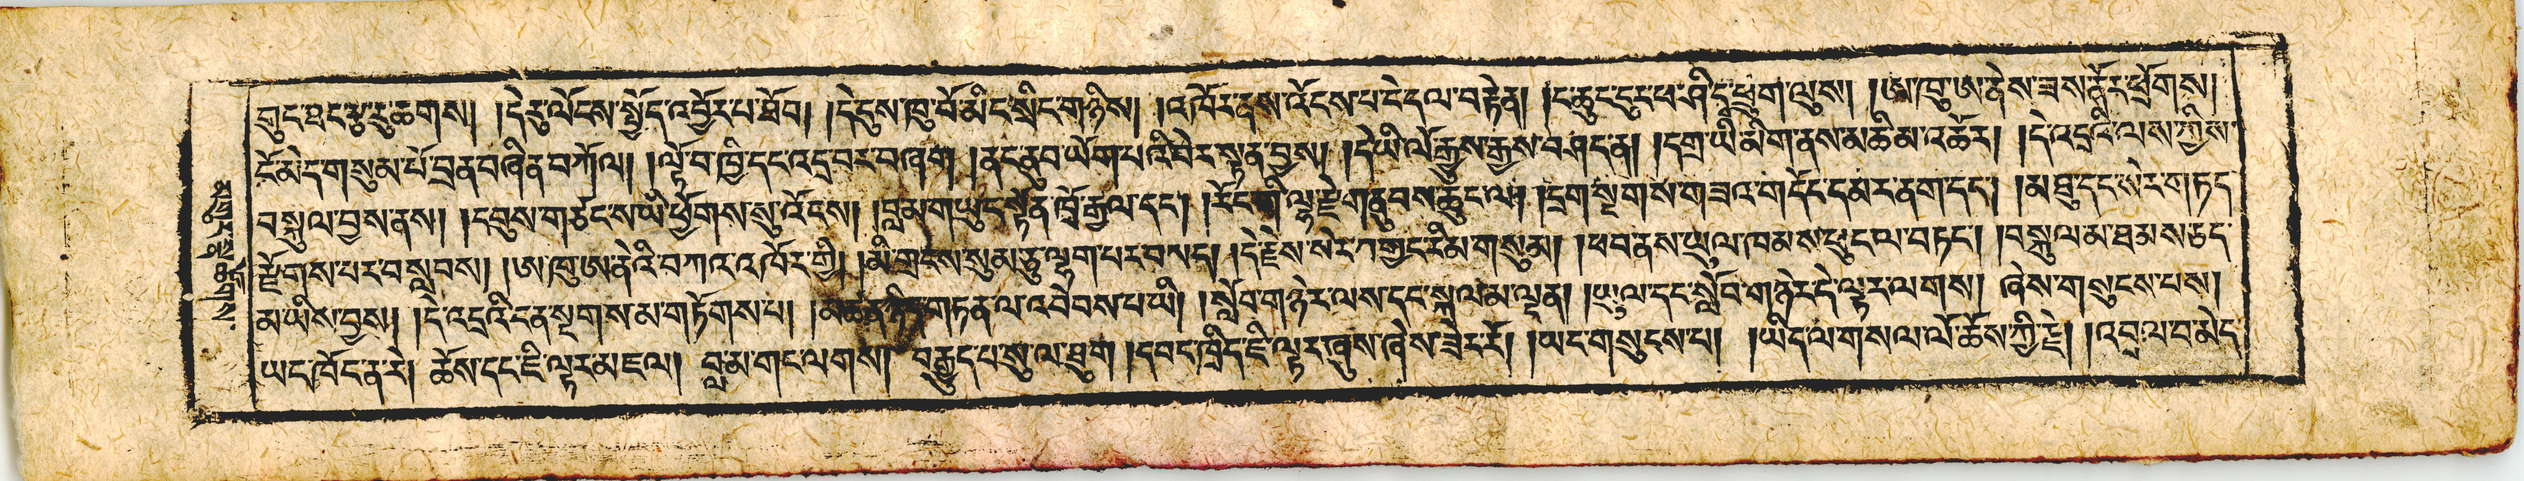གུང་ཐང་རྩ་རུ་ཆགས། །དེ་རུ་ལོངས་སྤྱོད་འབྱོར་པ་ཐོབ། །དེ་དུས་ཁུ་བོ་མིང་སྲིང་གཉིས། །འཁོར་ནས་འོངས་པ་ངེད་ལ་བརྟེན། །ང་ཆུང་ངུས་ཕ་ཤི་ད་ཕྲུག་ལུས། །ཨ་ཁུ་ཨ་ནེས་ཟས་ནོར་ཕྲོགས། །
ངོ་མེད་གསུམ་པོ་བྲན་བཞིན་བཀོལ། །ལྟོ་བ་ཁྱི་དང་འདྲ་བར་བཞག། །ནང་ནུབ་ཡོག་པའི་བེར་སྟན་བྱས། །དེ་ཡི་ལོ་རྒྱུས་རྒྱས་བཤད་ན། །དགྲ་ཡི་མིག་ནས་མཆི་མ་འཆོར། །དེ་འདྲའི་ལས་ཀྱིས་
བསྐུལ་བྱས་ནས། །དབུས་གཙང་ས་ཡི་ཕྱོགས་སུ་འོངས། །བླ་མ་གཡུང་སྟོན་ཁྲོ་རྒྱལ་དང་། །རོང་གི་ལྷ་རྫེ་གནུབས་ཆུང་ལ། །དྲག་སྔགས་གཟའ་གདོང་དམར་ནག་དང་། །མཐུ་དང་སེར་གཏད་
རྫོགས་པར་བསླབས། །ཨ་ཁུ་ཨ་ནེའི་བཀའ་འཁོར་གྱི། །མི་གྲངས་སུམ་ཅུ་ལྷག་པར་བསད། །དེ་རྗེས་སེ་ར་གྱང་རིམ་གསུམ། །ཕབ་ནས་ཡུལ་ཁམས་ཕུང་ལ་བཏང་། །བསྐུལ་མ་ཐམས་ཅད་
མ་ཡིས་བྱས། །དེ་འདྲའི་ངན་སྔགས་མ་གཏོགས་པ། །མཚན་ཞིང་གཏན་ལ་འབེབས་པ་ཡི། །སློབ་གཉེར་ལས་དང་སྐལ་མ་ལྡན། །ཡུལ་དང་སློབ་གཉེར་དེ་ལྟར་ལགས། ཞེས་གསུངས་པས། །
ཡང་ཁོང་ན་རེ། ཆོས་དང་ཇི་ལྟར་མཇལ། བླ་མ་གང་ལགས། བརྒྱུད་པ་སུ་ལ་ཐུག །དབང་ཁྲིད་ཇི་ལྟར་ཞུས་ཞེས་ཟེར་རོ། །ཡང་གསུངས་པ། །ཡིད་ལ་གསལ་ལོ་ཆོས་ཀྱི་རྗེ། །འབྲལ་བ་མེད་